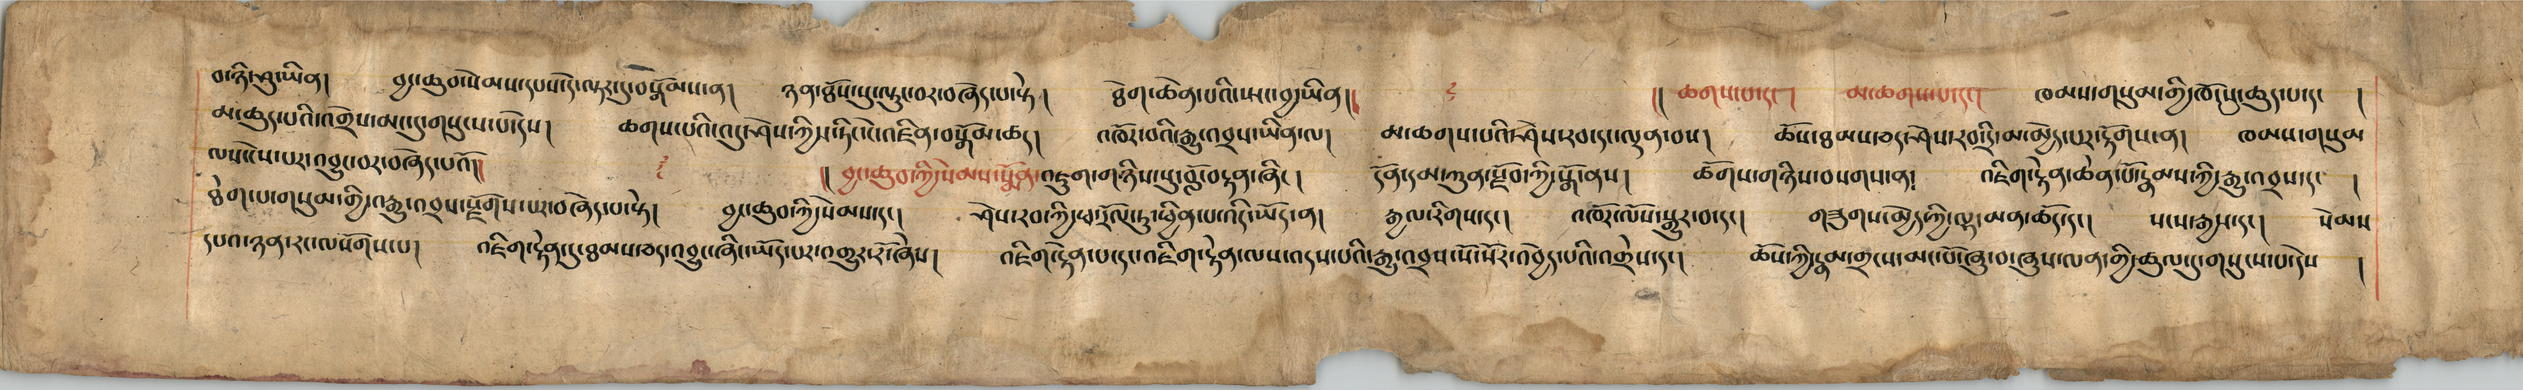བ་ཉི་ཤུ་ཡིན། བྱང་ཆུབ་སེམས་དཔས་དེ་ལྟར་དུ་བསྒོམས་ན། ཉན་ཐོས་སུ་ལྟུང་བར་བཞེད་པ་སྟེ། ཐེག་ཆེན་པའི་ཡང་བྱ་ཡིན། །། ཆགས་པ་དང ། མ་ཆགས་པ་དང། ཁམས་གསུམ་གྱི་ཁོངསུ་ཆུད་པ་དང
མ་ཆུད་པའི་འགྲེས་མང་དུ་གསུངས་པ་དེས། ཆགས་པའི་འདུ་ཤེས་ཀྱིས་ཏིང་ངེ་འཛིན་བསྒོམ་ཆད། འཁོར་བའི་རྒྱུ་འབྲས་ཡིན་ལ། མ་ཆགས་པའི་ཤེས་རབ་དང་ལྡན་བས། ཆོས་ཐམས་ཅད་ཤེས་རབ་དྲི་མ་མྱེད་པར་རྟོགས་ན། ཁམས་གསུམ
ལས་ངེས་པར་འབྱུང་བར་བཞེད་པའོ།། ༈ །། བྱང་ཆུབ་ཀྱི་སེམས་སྨོན་འཇུག་གཉིས་སུ་བློ་བརྟན་ཞིང། དོན་དམ་ཀུན་སྫོབ་ཀྱི་སྒོ་ནས། ཚོགས་གཉིས་བསགས་ན། འཇིག་རྟེན་ཆེན་པོ་རྣམས་ཀྱི་རྒྱུ་འབྲས་དང །
ཐེག་པ་གསུམ་གྱི་འརྒྱུ་འབྲས་སྫོགས་པར་བཞེད་པ་སྟེ། བྱང་ཆུབ་ཀྱི་སེམས་དང། ཤེས་རབ་ཀྱི་ཕ་རོལ་ཏུ་ཕྱིན་པ་འདི་ཡོད་ན། རྒྱལ་རིགས་དང། འཁོར་ལོས་སྒྱུར་བ་དང། གཟུགས་མྱེད་ཀྱི་ལྷ་མན་ཆོད་དང། སངས་རྒྱས་དང། སེམས
དཔའ་ཉན་རང་ལསོགས་པ། འཇིག་རྟེན་དུ་ཐམས་ཅད་འབྱུང་ཞིང་ཡོད་པར་འགྱུར་རོ་ཞེས། འཇིག་རྟེན་པ་དང་འཇིག་རྟེན་ལས་འདས་པའི་རྒྱུ་འབྲས་སོ་སོར་འབྱེད་པའི་འགྲེས་དང། ཆོས་ཀྱི་རྣམ་གྲངས་མང་པོ་ཞུ་བ་ཞུས་ལན་གྱི་ཚུལ་དུ་གསུངས་པ་དེས